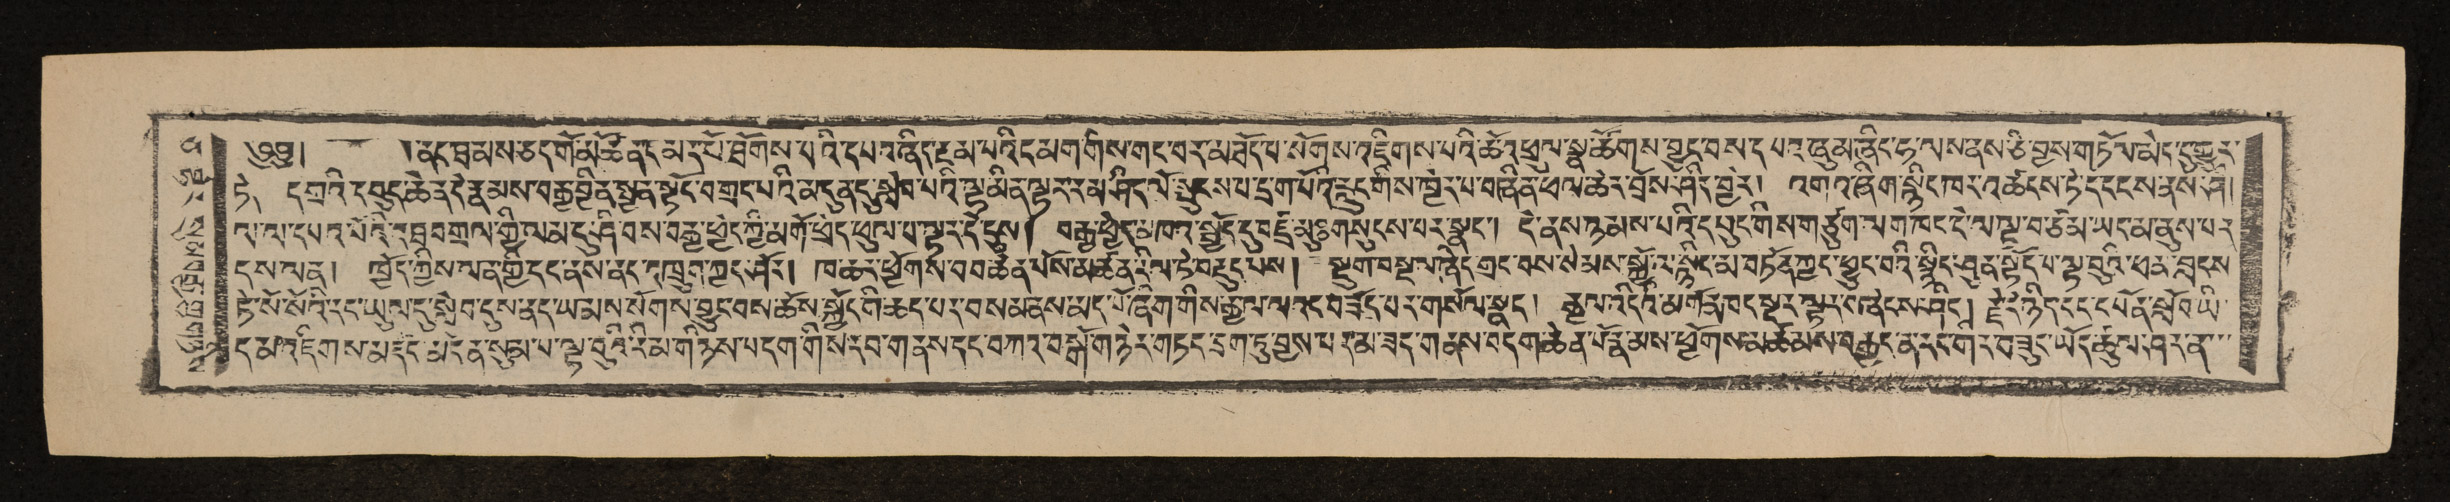༄༅། །ནང་ཐམས་ཅད་གོ་མཚོན་དམར་པོ་ཐོགས་པའི་དཔའ་ཞིང་རྔམ་པའི་དམག་གིས་གང་བར་མཐོང་བ་སོགས་འཇིགས་པའི་ཆོ་འཕྲུལ་སྣ་ཚོགས་བྱུང་བས་དཔའ་ཞུམ་ཞི་ཧ་ལས་ནས་ཅི་བྱས་གཏོལ་མེད་དུ་གྱུར་
ཏེ༑ དགྲའི་དཔུང་ཆེན་དེ་རྣམས་བརྒྱ་བྱིན་སྤྱན་སྟོང་བགྲད་པའི་མདུན་དུ་སླེབ་པའི་ལྷ་མིན་ལྟར་རམ་ཤིང་ལོ་སྤུངས་པ་དྲག་པོའི་རླུང་གིས་ཁྱེར་པ་བཞིན་ཕལ་ཆེར་བྲོས་ཤིང་བྱེར། འགའ་ཞིག་སྙིང་ཁར་འཚངས་ཏེ་དངངས་ནས་ཤི།
ལ་ལ་དཔའ་བོའི་འཐབ་གྲལ་གྱི་ལམ་དུ་ཤི་བས་བརྒྱ་ཕྱེད་ཀྱི་མགོ་ཕྲེང་ཕུལ་པ་ལྟར་དེ་དུས། བརྒྱ་ཕྱེད་མཁའ་སྤྱོད་དུ་བཛྲ་མུཿ གསུངས་པར་སྣང་། དེ་ནས་ཉམས་པའི་དཔུང་གིས་གཙུག་ལག་ཁང་དེ་ལ་ལྟ་བ་ཙམ་ཡང་མ་ནུས་པར་
ངས་ལན། ཁྱོད་ཀྱིས་ལན་གྱི་ངང་ནས་ནང་འཁྲུག་ཀྱང་ཤོར། ཁ་ཆར་ཕྱོགས་བབ་ཆེན་པོས་མཚན་རིལ་ཏེ་བརྡུང་པས། སྡུག་བསྔལ་ཞིང་གྲང་བས་སེམས་སྐྱོ་ལ་སྙིང་མ་བཏོན་ཀྱང་ཕྱུང་བའི་སྙིང་ཤུན་སྟོང་པ་ལྟ་བུའི་ཕམ་བླངས་
ཏེ་སོ་སོའི་རང་ཡུལ་དུ་སླེབ་དུས་ནད་ཡམས་སོགས་བྱུང་བས་ཆོས་སྐྱོང་གི་ཆད་པར་བསམ་ནས་མང་པོ་ཞིག་གིས་རྒྱལ་ལའང་བཟོད་པར་གསོལ་སྣང་། རྒྱལ་འདིའི་མགོན་ཁང་སྔར་ལྟར་བཞེངས་ཤིང་། རྗེ་དེ་ཉིད་དང་དཔོན་སློབ་ཡི་
དམ་འཇིགས་མཛད་མངོན་སུམ་པ་ལྟ་བུའི་རིམ་གཉིས་པ་དག་གིས་རབ་གནས་དང་བཀའ་བསྒོ་གཉེར་གཏད་དྲག་ཏུ་བྱས་པར་མ་ཟད་གནས་བདག་ཆེན་པོ་རྣམས་ཕྱོགས་མཚམས་བརྒྱད་ན་རང་གིར་བཟུང་ཡོད་ཚུལ་ཤར་ན་